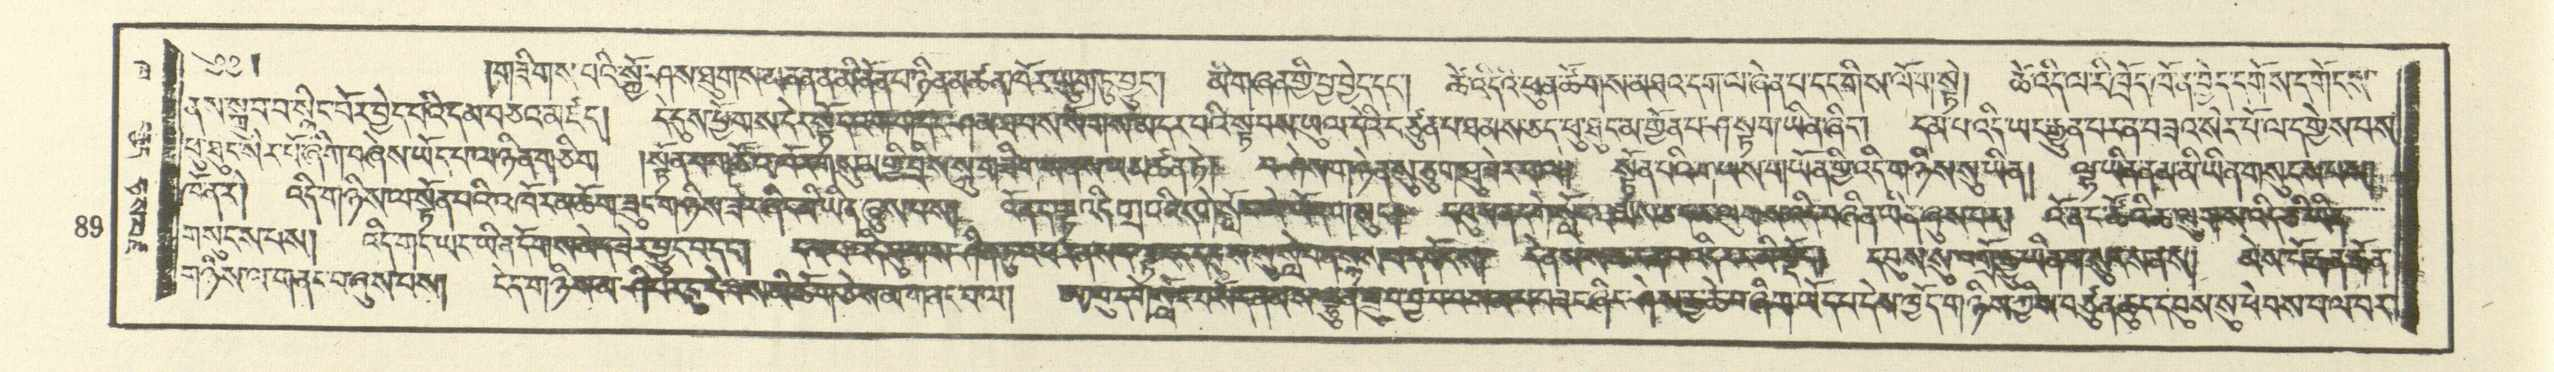༄༅། །གཟིགས་པའི་སྐྱོ་ཤས་ཐུགས་མནན་ན་མི་ནོན་པ་ཉིན་མཚན་ཁོར་ཡུག་ཏུ་བྱུང་། མི་གཞན་གྱི་བྱ་བྱེད་དང་། ཚེ་འདིའི་ཕུན་ཚོགས་མཐའ་དག་ལ་ཞེན་པ་དང་གིས་ལོག་སྟེ། ཚེ་འདི་ལ་རི་ཁྲོད་ཁོ་ན་བྱེད་དགོས་དགོངས་
ནས་སྒྲུབ་པ་སྙིང་པོར་བྱེད་པའི་དམ་བཅའ་མཛད། དེ་དུས་ཕྱོགས་དེར་སྟོད་འགག་དང་ཤམ་ཐབས་སོགས་མ་དར་བའི་སྟབས་ཡུལ་དེའི་བཙུན་པ་ཐམས་ཅད་ཕུ་ཐུང་མ་གྱོན་པ་ཤ་སྟག་ཡིན་ཞིང་། དམ་པ་འདི་ཡང་རྒྱུན་པར་ན་བཟའ་སེར་པོ་ལ་དགྱེས་པས་
ཕུ་ཐུང་སེར་པོ་ཞིག་བཞེས་ཡོད་པ་ལ་ཉིན་གཅིག །སྟོན་པ་གཙོ་འཁོར་གསུམ་གྱི་བྲིས་སྐུ་གཟིགས་ནས་ཡ་མཚན་ཏེ། བཤེས་གཉེན་སུ་ཅུག་ཐུ་ཟེར་བ་ལ། སྟོན་པའི་གཡས་གཡོན་གྱི་འདི་གཉིས་སུ་ཡིན། ལྷ་ཡིན་ནམ་མི་ཡིན་གསུངས་པས།
ཁོ་ན་རེ། འདི་གཉིས་ལ་སྟོན་པའི་འཁོར་མཆོག་ཟུང་གཉིས་ཟེར་ཞིང་མི་ཡིན་ཞུས་པས། འོ་ན་ད་ལྟ་འདི་འདྲ་བའི་དགེ་སློང་ཨེ་ཡོད་གསུང་། དབུས་ན་དགེ་སློང་ཐམས་ཅད་ལུགས་འདི་བཞིན་ཡིན་ཞུས་པར། འོ་ན་ང་ཚོའི་ཆ་ལུགས་འདི་ཅི་ཡིན་
གསུངས་པས། འདི་གང་ཡང་ཡིན་དོགས་མེད་ཟེར་བྱུང་བ་དང་། དམ་པའི་ཐུགས་ཤིན་ཏུ་འཕར་ནས་ད་ལྟ་རང་དབུས་སུ་སླེབ་ན་སྙམ་པ་དགོངས། དེ་ནས་ས་ཆ་ངན་པ་འདི་རང་མི་སྡོད། དབུས་སུ་འགྲོ་རྒྱུ་ཡིན་གསུངས་ནས། མེས་པོ་རྒན་རྒོན་
གཉིས་ལ་གནང་བ་ཞུས་པས། ངེད་གཉིས་མ་ཤི་བར་དུ་ཕེབས་མི་ཆོག་ཅེས་མ་གནང་བ་ལ། ཨ་ཁུ་དགེ་སློང་བསོད་ནམས་ལྷུན་གྲུབ་བྱ་བ་བསམ་པ་བཟང་ཞིང་ཤེས་རྒྱ་ཆེ་བ་ཞིག་ཡོད་པ་དེས་ཁྱོད་གཉིས་ཀྱིས་བཙུན་ཆུང་དབུས་སུ་ཕེབས་པ་ལ་བར་